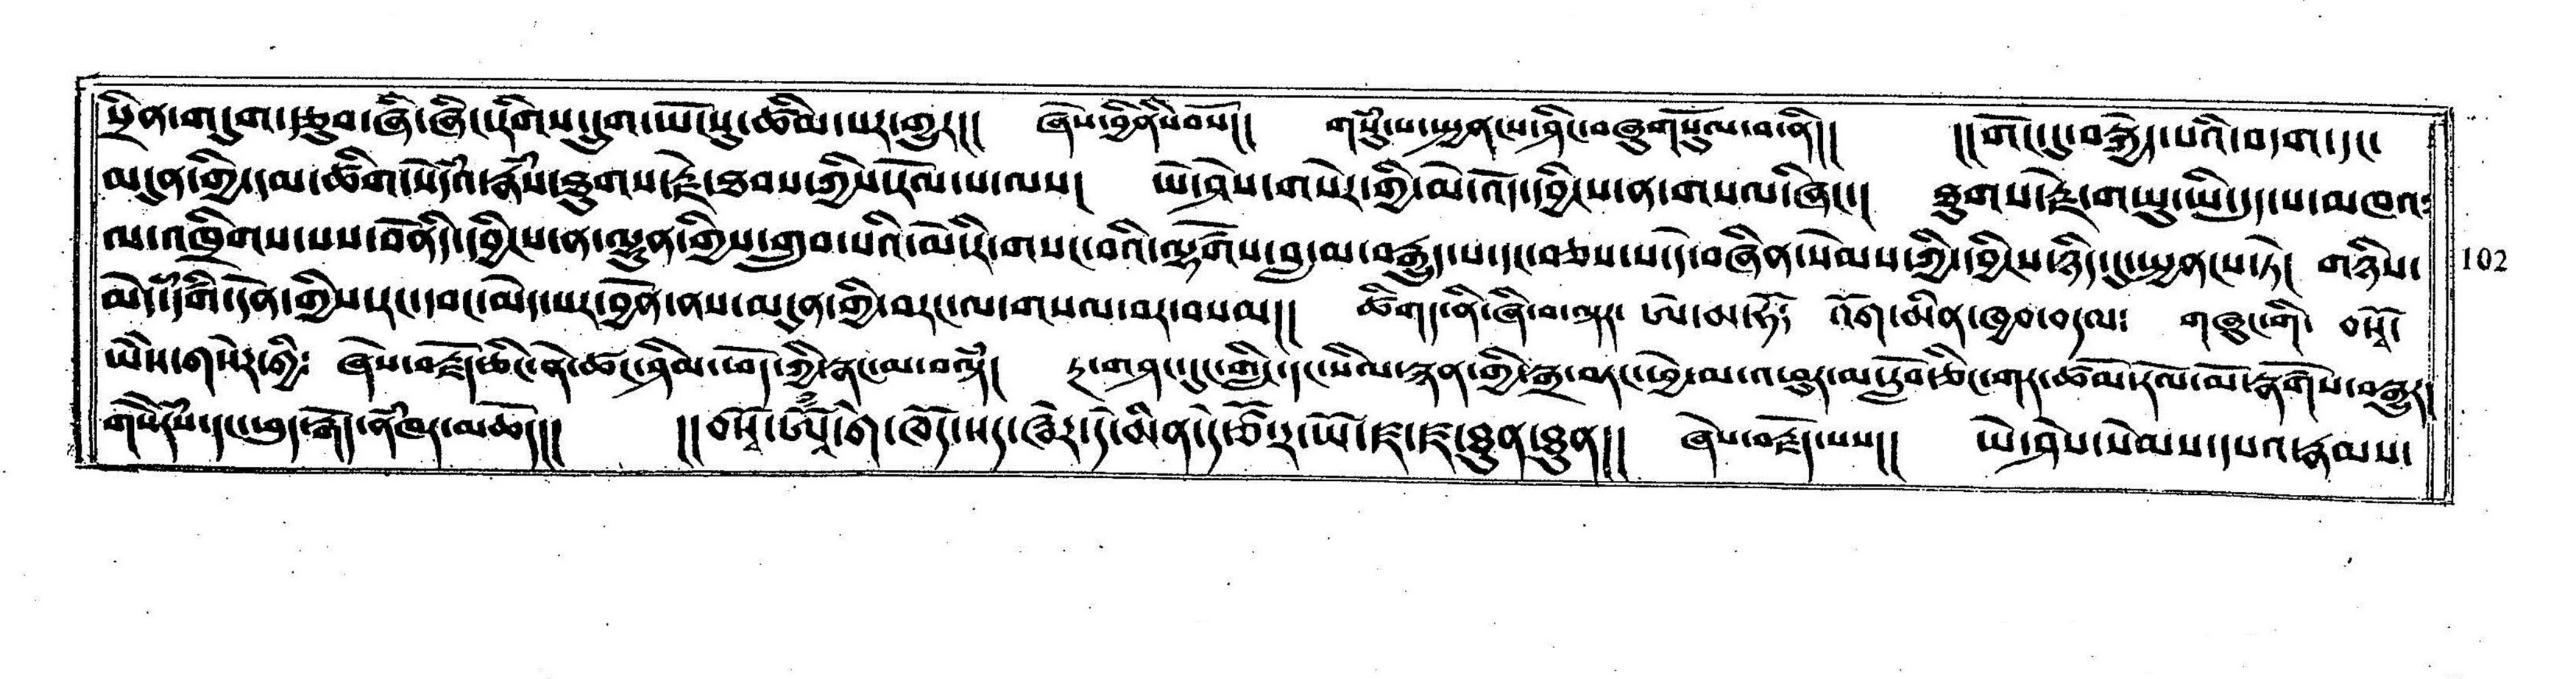སྲིན་གདུག་རྩུབ་ཞི་ཞིང་རིགས་དྲུག་ཡོངས་སུ་ཚིམ་པར་གྱུར།། ཞེས་བྱིན་གྱིས་བརླབས་སོ།། གསུམ་པ་སྤྱན་དྲངས་ཤིང་བཞུགས་སུ་གསོལ་བ་ནི།། །།གོང་དུ་བསྐྱེད་པའི་བདག་དང་
མདུན་གྱི་དམ་ཚིག་སེམས་དཔའ་རྣམས་ཐུགས་རྗེ་ཐབས་ཀྱིས་རོལ་པ་ལས། ཡེ་ཤེས་གསེར་གྱི་མེ་འོད་དབྱིངས་ན་གསལ་ཞིང་། ཐུགས་རྗེ་གཡུ་ཡི་དུད་པ་མཁའ་
ལ་འཁྲིགས་པས་བོན་ཉིད་དབྱིངས་ན་ལྷུན་གྱིས་གྲུབ་པའི་མེ་རི་གསང་བའི་ལྷ་ཚོགས་བླ་མ་བརྒྱུད་པ་དང་བཅས་པ་དེ་བཞིན་སེམས་ཀྱི་དབྱིངས་ཉིད་དུ་སྤྱན་དྲངས་ཏེ། གཉིས་
མེད་དམ་ཚིག་དོན་གྱིས་རང་དབང་མེད་པར་བྱོན་ནས་མདུན་གྱི་བར་སྣང་ལ་གསལ་བར་བསམ།། ཚིག་བཤད་ནི་ཞི་བ་ལྟར་ཨེ་མ་ཧོ འོག་མིན་ཁྱབ་བདལ༴ གཞུང་གི་བསྭོ་
ཡེ་ཤེས་གསེར་གྱི༴ ཞེས་བརྗོད་ཅིང་ནེ་ཚང་ཤིམ་ཕོད་ཀྱི་སྣང་མ་བལྟམ། རྔ་གཤང་དུང་གླིང་དང་སིལ་སྙན་གྱི་སྒྲ་བཏང་ཕྱེ་མ་འཕུར་མ་རློབ་ཅིང་གར་ཚོམ་རོལ་མོ་སྣ་ཚོགས་བསྒྱུར་
གསེར་སྐྱེམས་དང་ཕུད་རྒོད་ནམ་མཁར་མཆོད། །།བསྭོ་ཨཱོཾ་གེ་ཁོད་སད་ཝེར་དེ་མིན་དེ་ཙོ་ར་ཡོ་ཛ་ཛ་ཐུན་ཐུན།། ཞེས་བརྗོད་པས།། ཡེ་ཤེས་སེམས་དཔའ་རྣམས་